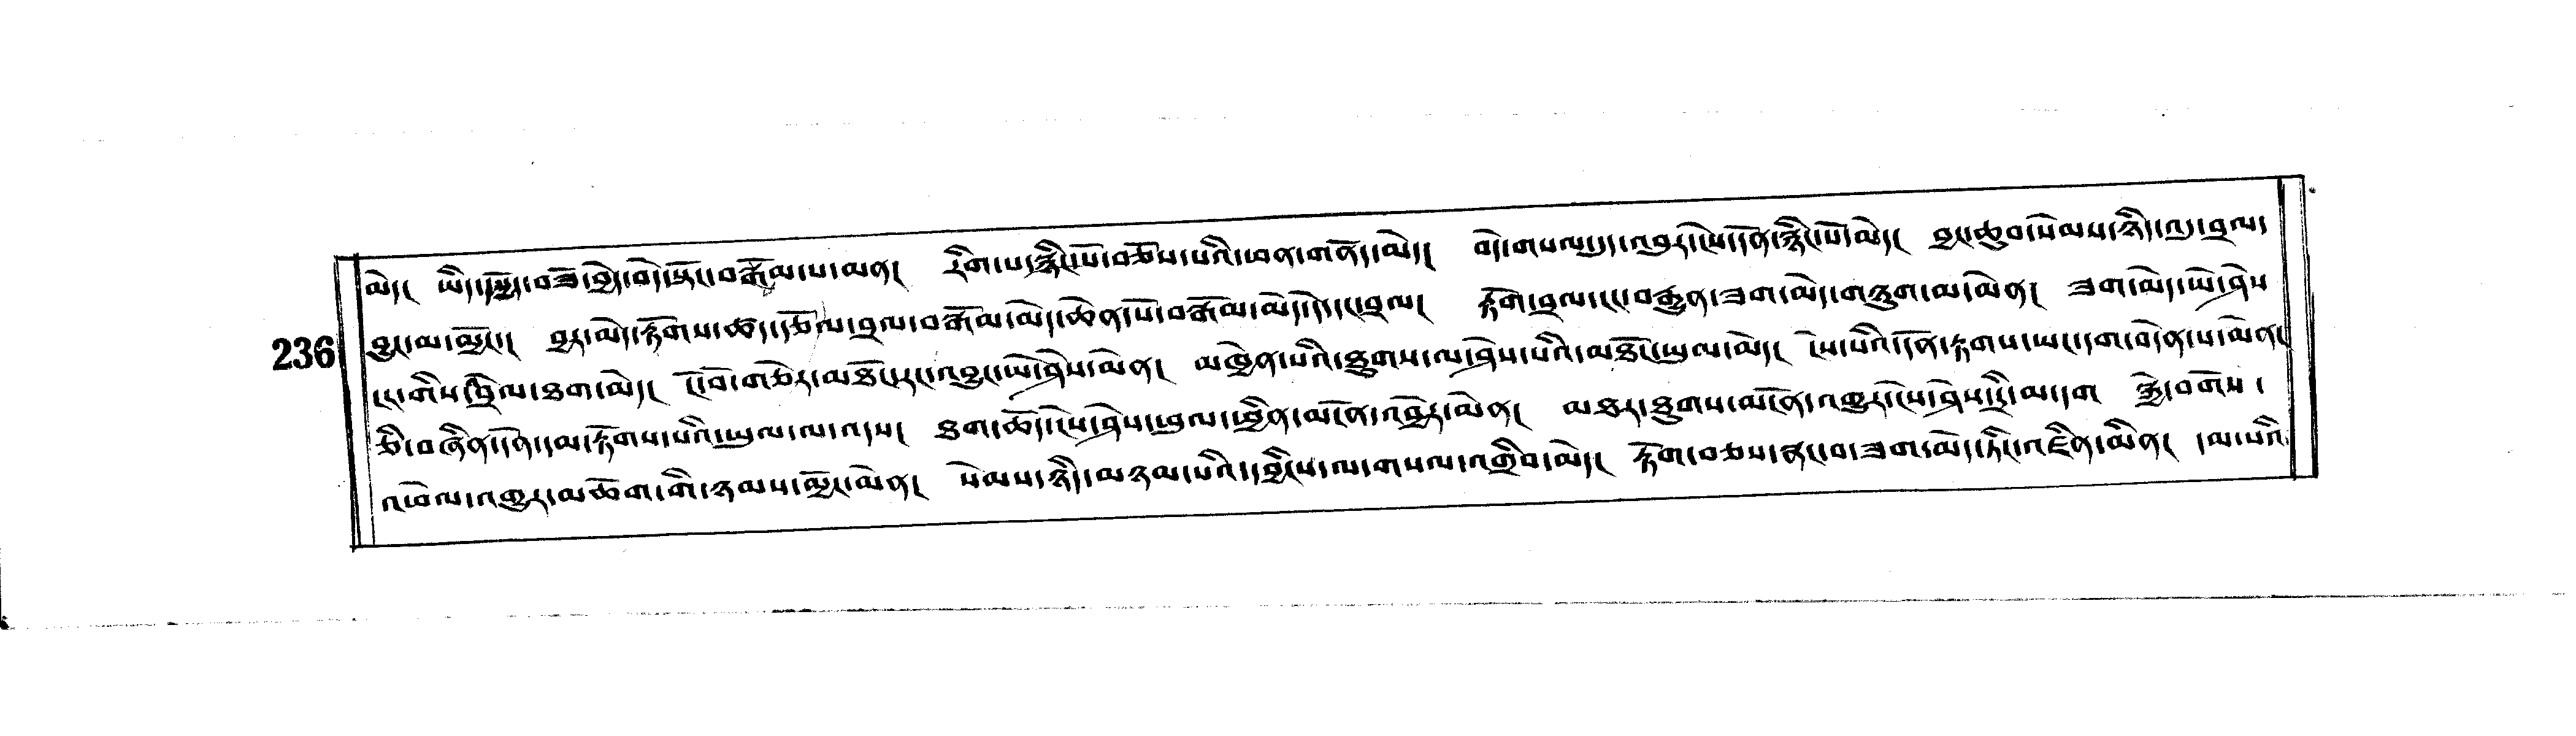མེད། ཡིད་དཔྱོད་བཟོ་བྱེད་བདེ་སྟོང་སྒོམ་པ་མན། རིག་པ་སྙིང་པོ་བཅོས་པའི་ཕན་གནོད་མེད། བདེ་གསལ་དུད་འབུར་ངེས་དོན་སྙིང་པོ་མེད། བྱང་ཆུབ་སེམས་ཉིད་འདུ་འབྲལ་
བྱུང་མ་མྱོང་། བྱར་མེད་རྟོགས་ཚད་རྩོལ་བྲལ་སྒོམ་མེད་ཆེན་པོ་སྒོམ་མེད་དེ་དང་བྲལ། རྟོག་བྲལ་ངང་རྒྱུན་ཟག་མེད་གཉུག་མ་མེན། ཟག་མེད་ཡེ་ཤེས་
ངང་གིས་འབྲེལ་ཐག་མེད། ངོ་བོ་གཅེར་མཐོང་རང་འབྱུང་ཡེ་ཤེས་མེན། མཁྱེན་པའི་ཐུགས་ལ་ཤེས་པའི་མཐོང་ཡུལ་མེད། ངེས་པའི་དོན་རྟགས་ཡང་དག་བདེན་པ་མེན། 
ཅི་བཞིན་དོན་དམ་རྟོགས་པའི་ཡུལ་ལས་འདས། ཐག་ཆོད་ངེས་ཤེས་ཕུལ་ཕྱིན་མངོན་འབྱོར་ལེན། མཐར་ཐུག་མངོན་གྱུར་ངེས་ཤེས་དྲི་མ་དག སྐྱེ་བགོས་
འཕེལ་འགྱུར་མཆོག་གི་ཉམས་མྱོང་ལེན། སེམས་ཉིད་མཉམ་པའི་དབྱིངས་ལ་གསལ་འགྲིབ་མེད། རྟོག་བཅས་སྣང་བ་ཟག་མེད་ཏིང་འཛིན་མིན། དམ་པའི་